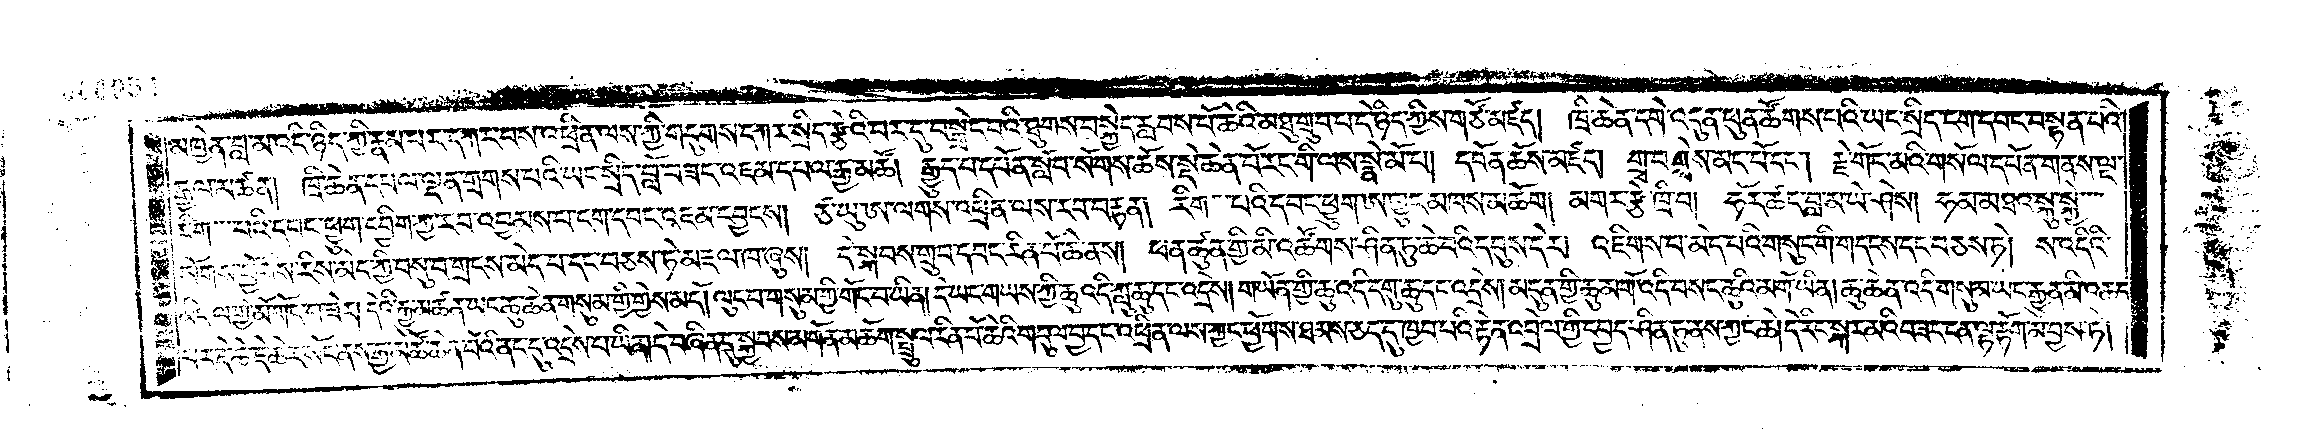མཁྱེན་བླ་མ་འདི་ཉིད་ཀྱི་རྣམ་པར་དཀར་བས་འཕྲིན་ལས་ཀྱི་གདུགས་དཀར་སྲིད་རྩེའི་བར་དུ་བསྒྲེང་བའི་ཐུགས་བསྐྱེད་རླབས་པོ་ཆེའི་མཐུ་གྲུབ་པ་དེ་ཉིད་ཀྱིས་གཙོ་མཛད། ཁྲི་ཆེན་དགེ་འདུན་ཕུན་ཚོགས་པའི་ཡང་སྲིད་ངག་དབང་བསྟན་པའི་
རྒྱལ་མཚན། ཁྲི་ཆེན་དཔལ་ལྡན་གྲགས་པའི་ཡང་སྲིད་བློ་བཟང་འཇམ་དཔལ་རྒྱ་མཚོ། རྒྱུད་པ་དཔོན་སློབ་སོགས་ཆོས་སྡེ་ཆེན་པོ་རང་གི་ལས་སྣེ་མོ་པ། དབོན་ཆོས་མཛད། གྲྭ་བགྲེས་མང་པོ་དང་། རྗེ་གོང་མའི་གསོལ་དཔོན་གནས་ལྔ་
རིག་པའི་དབང་ཕྱུག་དབྱིག་ཀྱ་རབ་འབྱམས་པ་ངག་དབང་འཇམ་དབྱངས། ཙ་ཡུ་ཨ་ལགས་འཕྲིན་ལས་རབ་བརྟན། རིག་པའི་དབང་ཕྱུག་ཨ་ཁྱུང་མཁས་མཆོག། མགར་རྩེ་ཁྲི་བ། ཧོར་ཚང་བླ་མ་ཡེ་ཤེས། ཧམ་མཐའ་སྐུ་སྐྱེ་
སོགས་ཕྱོགས་རིས་མེད་ཀྱི་བསུ་བ་གྲངས་མེད་པ་དང་བཅས་ཏེ་མཇལ་ཁ་ཞུས། དེ་སྐབས་གྲུབ་དབང་རིན་པོ་ཆེ་ནས། ཕན་ཚུན་གྱི་མི་འཚོགས་ཤིན་ཏུ་ཆེ་བའི་དབུས་དེར། འཇིགས་པ་མེད་པའི་གསུང་གི་གདངས་དང་བཅས་ཏེ། ས་འདིའི་
མིང་ལ་གྱེ་མོ་གོང་བ་ཟེར། དེའི་རྒྱུ་མཚན་ཡང་ཆུ་ཆེན་གསུམ་གྱི་གྱེས་མདོ། ལུང་པ་གསུམ་གྱི་གོང་བ་ཡིན། དེ་ཡང་གཡས་ཀྱི་ཆུ་འདི་ཀླུ་ཆུ་དང་འདྲེས། གཡོན་གྱི་ཆུ་འདི་དགུ་ཆུ་དང་འདྲེས། མདུན་གྱི་ཆུ་མགོ་འདི་བསང་ཆུའི་མགོ་ཡིན། ཆུ་ཆེན་འདི་གསུམ་ཡང་རྒྱུན་མི་འཆད་
པར་ཇེ་ཆེ་ཇེ་ཆེར་སོང་ནས་རྒྱ་མཚོ་ཆེན་པོའི་ནང་དུ་འདྲེས་པ་ཡིན། དེ་བཞིན་དུ་སྐྱབས་མགོན་མཆོག་སྤྲུལ་རིན་པོ་ཆེའི་གདུལ་བྱ་དང་འཕྲིན་ལས་ཀྱང་ཕྱོགས་ཐམས་ཅད་དུ་ཁྱབ་པའི་རྟེན་འབྲེལ་གྱི་དཔྱད་ཤིན་ཏུ་ནས་ཀྱང་ཆེ། དེ་རིང་སྐར་མའི་བཟང་ངན་ལྟ་རྟོག་མ་བྱས་ཏེ། །